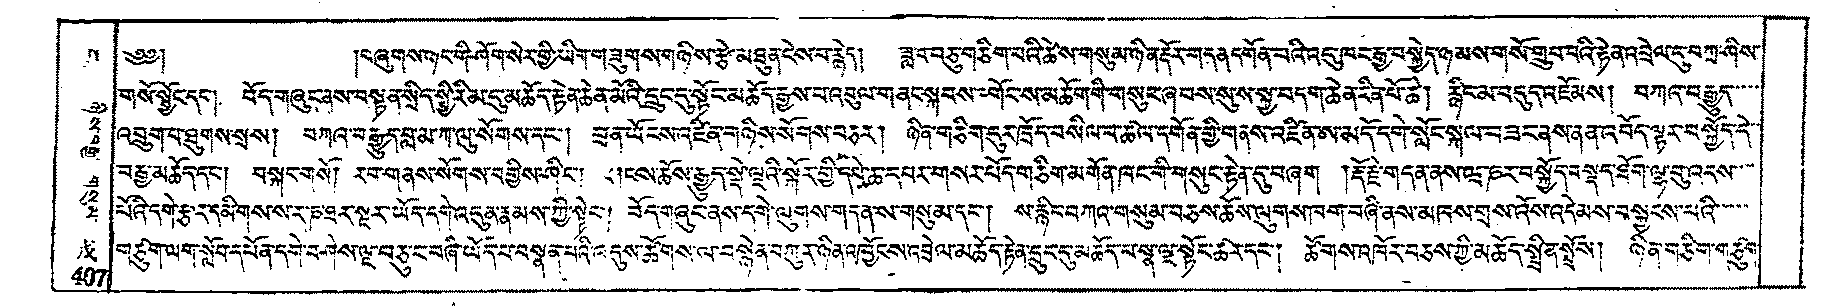༄༅། །བཞུགས་ཉང་གི་ཤོག་སེར་གྱི་ཡིག་གཟུགས་གཉིས་རྩེ་མཐུན་ངེས་པ་རྙེད། ཟླ་བ་བཅུ་གཅིག་པའི་ཚེས་གསུམ་ཉིན་རྡོར་གདན་དགོན་པའི་འདུ་ཁང་རྒྱ་བསྐྱེད་ཉམས་གསོ་གྲུབ་པའི་རྟེན་འབྲེལ་དུ་བཀྲ་ཤིས་
གསོ་སྦྱོང་དང་། བོད་གཞུང་ནས་བསྟན་སྲིད་སྤྱི་རིམ་དུ་མཆོད་རྟེན་ཆེན་མོའི་དྲུང་དུ་སྟོང་མཆོད་རྒྱས་པ་འབུལ་གནང་སྐབས་༧གོང་ས་མཆོག་གི་གསུང་ཞབས་སུ་ས་སྐྱ་བདག་ཆེན་རིན་པོ་ཆེ། རྙིང་མ་བདུད་འཇོམས། བཀའ་བརྒྱུད་
འབྲུག་པ་ཐུགས་སྲས། བཀའ་བརྒྱུད་བླ་མ་ཀ་ལུ་སོགས་དང་། ཕྲན་ཡོངས་འཛིན་གཉིས་སོགས་བཅར། ཉིན་གཅིག་དུར་ཁྲོད་བསིལ་བ་ཚལ་དགོན་གྱི་གནས་འཛིན་ཨ་མདོ་དགེ་སློང་སྐལ་བཟང་ནས་ནན་འབོད་ལྟར་བསྐྱོད་དེ་
བརྒྱ་མཆོད་དང་། བསྐང་གསོ། རབ་གནས་སོགས་བགྱིས་ཤིང་། ཤངས་ཆོས་རྒྱུད་སྡེ་ལྔའི་སྐོར་གྱི་དཔེ་ཆ་དཔར་གསར་པོད་གཅིག་མགོན་ཁང་གི་གསུང་རྟེན་དུ་བཞག །རྡོ་རྗེ་གདན་ནས་ཝ་ཎར་བསྐྱོད་བསྡད་ཐོག་ལྷ་བུ་འདས་
པོའི་དགེ་རྩར་དམིགས་ས་ར་ཎ་ཐར་སྔར་ཡོད་དགེ་འདུན་རྣམས་ཀྱི་སྟེང་། བོད་གཞུང་ནས་དགེ་ལུགས་གདན་ས་གསུམ་དང་། ས་རྙིང་བཀའ་གསུམ་བཅས་ཆོས་ལུགས་ཁག་བཞི་ནས་མཁས་གྲས་འོས་འདེམས་བསྐྱངས་པའི་
གཙུག་ལག་སློབ་དཔོན་དགེ་བཤེས་ལྔ་བཅུ་ང་བཞི་ཡོད་པ་བསྣན་པའི་འདུས་ཚོགས་ལ་བསྙེན་བཀུར་ཉིན་འཁྱོངས་འབྲེལ་མཆོད་རྟེན་དྲུང་དུ་མཆོད་པ་སྣ་ལྔ་སྟོང་ཚར་དང་། ཚོགས་འཁོར་བཅས་ཀྱི་མཆོད་སྤྲིན་སྤྲོས། ཉིན་གཅིག་གཙུག་